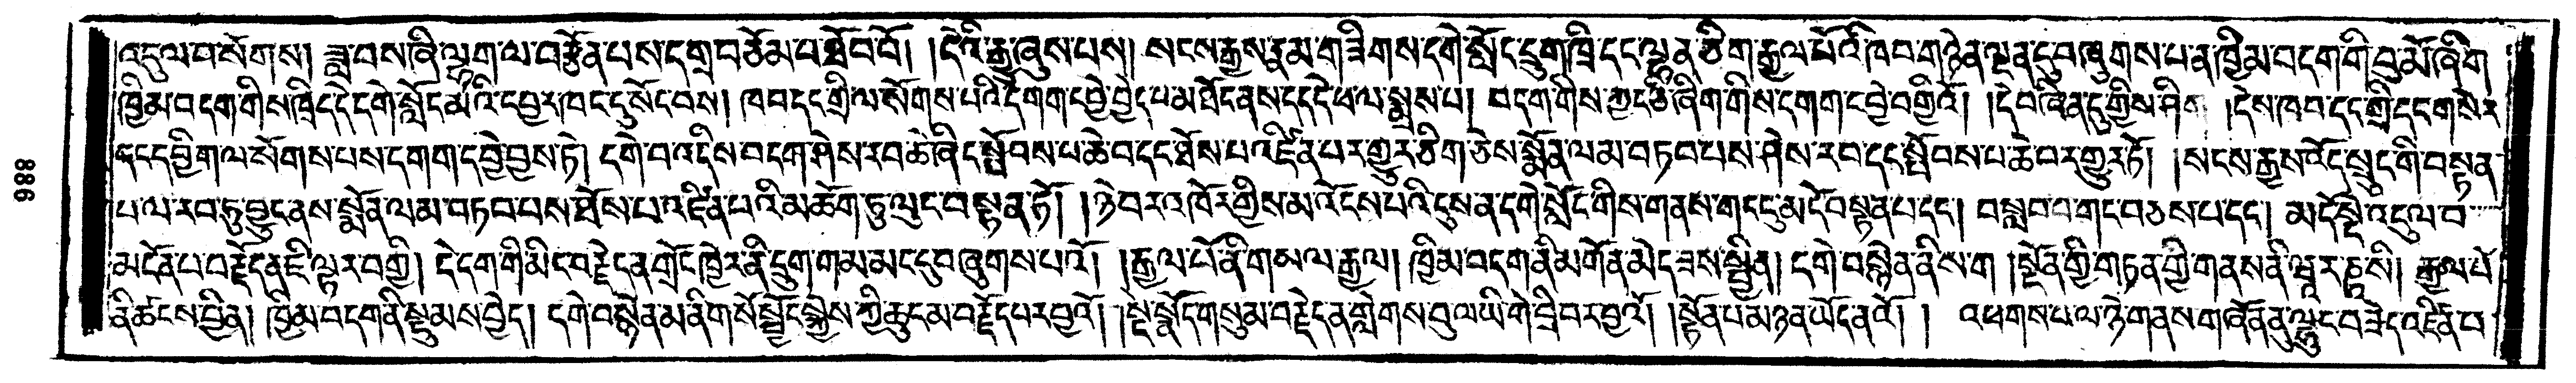འདུལ་བ་སོགས། ཟླ་བས་ཞི་ལྷག་ལ་བརྩོན་པས་དགྲ་བཅོམ་པ་ཐོབ་བོ། །དེའི་རྒྱུ་ཞུས་པས། སངས་རྒྱས་རྣམ་གཟིགས་དགེ་སློང་དྲུག་ཁྲི་དང་ལྷན་ཅིག་རྒྱལ་པོའི་ཁབ་གཉེན་ལྡན་དུ་བཞུགས་པ་ན་ཁྱིམ་བདག་གི་བུ་མོ་ཞིག་
ཁྱིམ་བདག་གིས་ཁྲིད་དེ་དགེ་སློང་མའི་དབྱར་ཁང་དུ་སོང་བས། ཁབ་དང་གྲི་ལ་སོགས་པའི་དགག་དབྱེ་བྱེད་པ་མཐོང་ནས་དད་དེ་ཕ་ལ་སྨྲས་པ། བདག་གིས་ཀྱང་ཅི་ཞིག་གིས་དགག་དབྱེ་བགྱིའོ། །དེ་བཞིན་དུ་གྱིས་ཤིག །དེས་ཁབ་དང་གྲི་དང་གསེར་
དང་དབྱིག་ལ་སོགས་པས་དགག་དབྱེ་བྱས་ཏེ། དགེ་བ་འདིས་བདག་ཤེས་རབ་ཆེ་ཞིང་སྤོབས་པ་ཆེ་བ་དང་ཐོས་པ་འཛིན་པར་གྱུར་ཅིག་ཅེས་སྨོན་ལམ་བཏབ་པས་ཤེས་རབ་དང་སྤོབས་པ་ཆེ་བར་གྱུར་ཏོ། །སངས་རྒྱས་འོད་སྲུང་གི་བསྟན་
པ་ལ་རབ་ཏུ་བྱུང་ནས་སྨོན་ལམ་བཏབ་པས་ཐོས་པ་འཛིན་པའི་མཆོག་ཏུ་ལུང་བསྟན་ཏོ། །ཉེ་བར་འཁོར་གྱིས་མ་འོངས་པའི་དུས་ན་དགེ་སློང་གིས་གནས་གང་དུ་མདོ་བསྟན་པ་དང་། བསླབ་བ་གང་བཅས་པ་དང་། མདོ་དེ་འདུལ་བ་
མངོན་པ་བརྗོད་ན་ཇི་ལྟར་བགྱི། དེ་དག་གི་མིང་བརྗེད་ན་གྲོང་ཁྱེར་ནི་དྲུག་གམ་མང་དུ་བཞུགས་པའོ། །རྒྱལ་པོ་ནི་གསལ་རྒྱལ། ཁྱིམ་བདག་ནི་མགོན་མེད་ཟས་སྦྱིན། དགེ་བསྙེན་ནིས་ག །སྔོན་གྱི་གཏན་གྱི་གནས་ནི་ཝཱར་ཎཱ་སི། རྒྱལ་པོ་
ནི་ཚངས་བྱིན། ཁྱིམ་བདག་ནི་སྡུམས་བྱེད། དགེ་བསྙེན་མ་ནི་གསོ་སྦྱོང་སྐྱེས་ཀྱི་ཆུང་མ་བརྗོད་པར་བྱའོ། །སྡེ་སྣོད་གསུམ་བརྗེད་ན་གླེགས་བུ་ལ་ཡི་གེ་བྲི་བར་བྱའོ། །སྟོན་པ་མཉན་ཡོད་ནའོ། ། འཕགས་པ་ལ་ཉེ་གནས་གཞོན་ནུ་ལྷུང་བཟེད་འཛིན་པ་